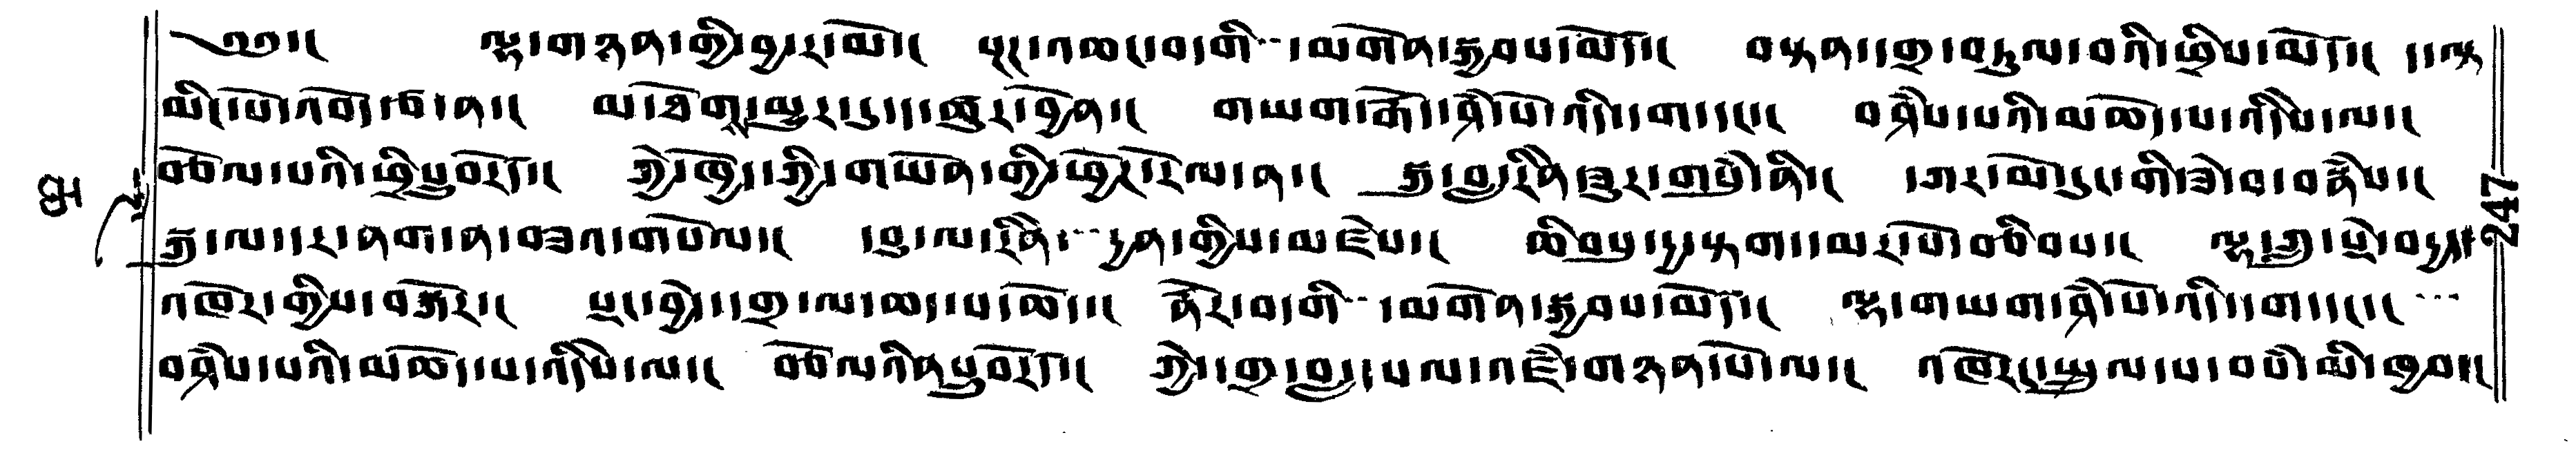ལྷ་གཉན་གྱི་བྱ་ར་མོ། །སྔགས་འཆང་བདག་གི་མགོན་སྐྱབས་མཛོད། །བསྟན་དགྲ་འདུལ་བའི་ཕྲིན་ལས་མཛོད། །ད་ལྟ་
མིང་པོ་འབོད་ཙ་ན། །མ་ཐོགས་མྱུར་དུ་ད་ཚུར་བྱོན། །གཡག་རྒོད་ཤམ་པོ་འདི་དག་དང་། །བཤམས་པའི་མཆོད་པ་འདི་བཞེས་ལ། །
བཅོལ་པའི་ཕྲིན་ལས་གྲུབ་པར་མཛོད། ཀྱཻ། ཁྱོད་ཀྱི་གཡོན་གྱི་ཕྱོགས་རོལ་ན། །སྐུ་བླ་རིན་ཆེན་ཟུར་གསུམ་ནི། །དཀར་མོ་དུང་གི་ཟེ་བ་བསྣམས། །
སྐུ་ལ་དར་ནག་ན་བཟའ་གསོལ། །དབུ་ལ་རིན་ཆེན་རྒྱན་གྱིས་མཛེས། །ཆིབས་སུ་རྒྱ་སྟག་དམར་པོ་བཅིབས། །ལྷ་ཀླུ་སྡེ་བརྒྱད་
འཁོར་གྱིས་བསྐོར། །སྡང་བྱེད་དགྲ་ལ་ཆད་པ་ཆོད། །རྣལ་འབྱོར་བདག་གི་མགོན་སྐྱབས་མཛོད། །ལྷ་གཡག་ཤམ་པོ་འདི་དག་དང་། །
བཤམས་པའི་མཆོད་པ་འདི་བཞེས་ལ། །བཅོལ་བའི་ཕྲིན་ལས་འགྲུབ་པར་མཛོད། ཀྱཻ། དགྲ་བླ་དཔལ་འཛམ་གཉན་པོ་ལ། །འཁོར་དང་སྤྲུལ་པ་བསམ་མི་ཁྱབ།